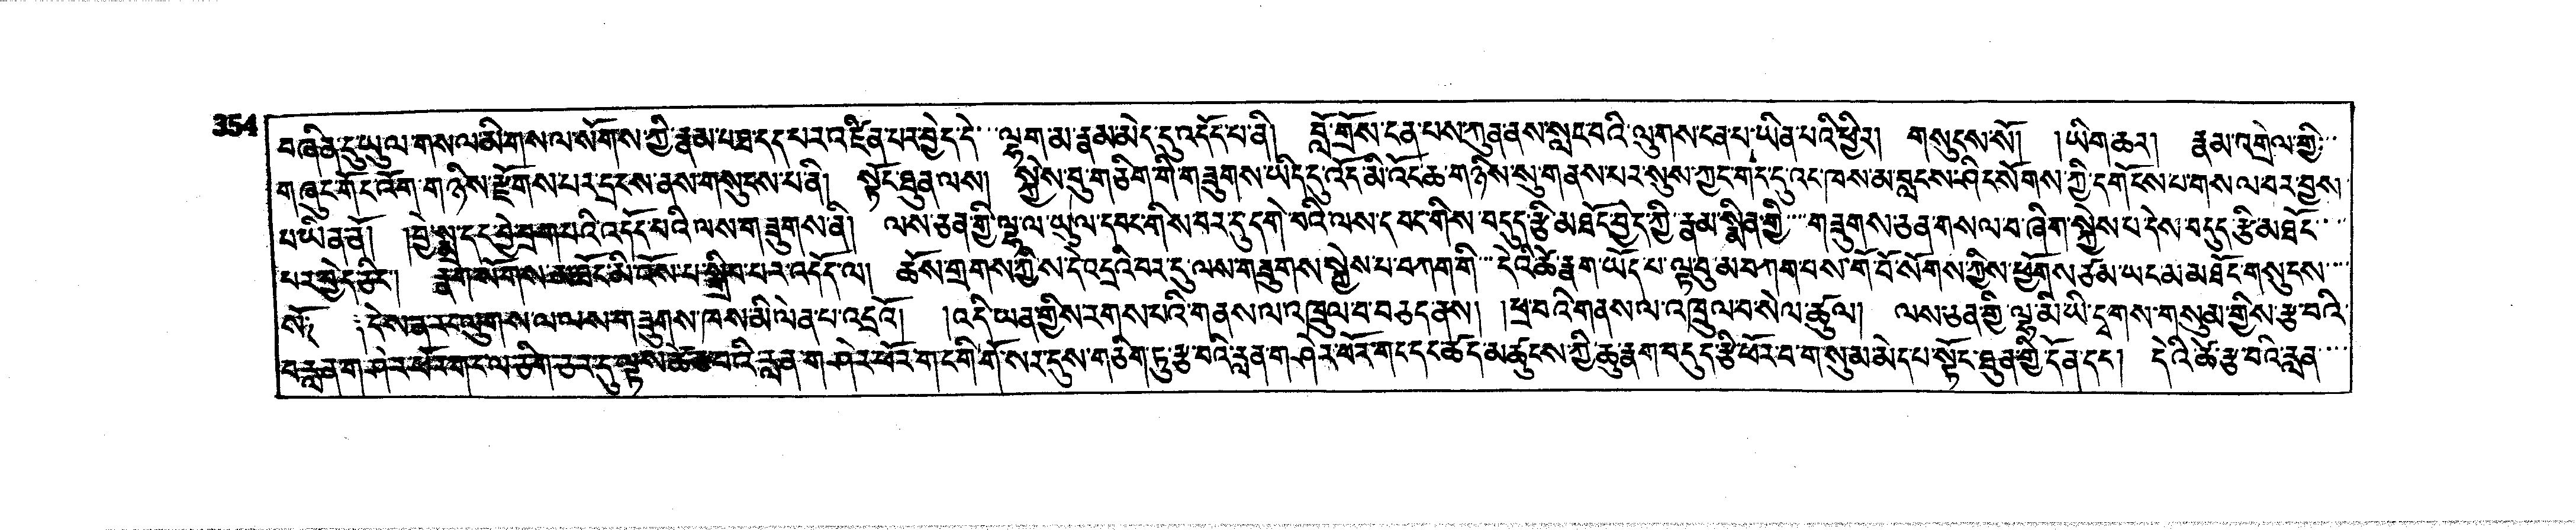བཞིན་དུ་ཡུལ་གསལ་མི་གསལ་སོགས་ཀྱི་རྣམ་པ་ཐ་དད་པར་འཛིན་པར་བྱེད་དེ་ལྷག་མ་རྣམ་མེད་དུ་འདོད་པ་ནི། བློ་གྲོས་ངན་པས་ཀུན་ནས་སླང་བའི་ལུགས་ངན་པ་ཡིན་པའི་ཕྱིར། གསུངས་སོ། །ཡིག་ཆར། རྣམ་འགྲེལ་གྱི་
གཞུང་གོང་འོག་གཉིས་རྫོགས་པར་དྲངས་ནས་གསུངས་པ་ནི། སྟོང་ཐུན་ལས། སྐྱེས་བུ་གཅིག་གི་གཟུགས་ཡིད་དུ་འོང་མི་འོང་ཆ་གཉིས་སུ་གནས་པར་སུས་ཀྱང་གང་དུའང་ཁས་མ་བླངས་ཤིང་སོགས་ཀྱི་དགོངས་པ་གསལ་བར་བྱས་
པ་ཡིན་ནོ། །བྱེ་སྨྲ་དང་བྱེ་བྲག་པའི་འདོད་པའི་ལས་གཟུགས་ནི། ལས་ཅན་གྱི་ལྷ་ལ་ཡུལ་དབང་གིས་བར་དུ་དགེ་བའི་ལས་དབང་གིས་བདུད་རྩི་མཐོང་བྱེད་ཀྱི་རྣམ་སྨིན་གྱི་གཟུགས་ཅན་གསལ་བ་ཞིག་སྐྱེས་པ་དེས་བདུད་རྩི་མཐོང་
པར་བྱེད་ཅིང་། རྣག་སོགས་མཐོང་མི་འོས་པ་སྒྲིབ་པར་འདོད་ལ། ཆོས་གྲགས་ཀྱིས་དེ་འདྲའི་བར་དུ་ལས་གཟུགས་སྐྱེས་པ་བཀག་གི་དེའི་ཚེ་རྣག་ཡོད་པ་ལྟ་བུ་མ་བཀག་པས་གོ་བོ་སོགས་ཀྱིས་ཕྱོགས་ཙམ་ཡང་མ་མཐོང་གསུངས་
སོ། །དེས་ན་རང་ལུགས་ལ་ལས་གཟུགས་ཁས་མི་ལེན་པ་འདྲའོ། །འདི་ཡན་གྱིས་རགས་པའི་གནས་ལ་འཁྲུལ་བ་བཅད་ནས། །ཕྲ་བའི་གནས་ལ་འཁྲུལ་བ་སེལ་ཚུལ། ལས་ཅན་གྱི་ལྷ་མི་ཡི་དྭགས་གསུམ་གྱིས་རྩ་བའི་
བརླན་གཤེར་ཕོར་གང་ལ་ཅིག་ཅར་དུ་ལྟས་ཚེ་རྩ་བའི་རླན་གཤེར་ཕོར་གང་གི་གོ་སར་དུས་གཅིག་ཏུ་རྩ་བའི་རླན་གཤེར་ཕོར་གང་དང་ཚད་མཚུངས་ཀྱི་ཆུ་རྣག་བདུད་རྩི་ཕོར་བ་གསུམ་མེད་པ་སྟོང་ཐུན་གྱི་དོན་དང་། དེའི་ཚེ་རྩ་བའི་རླན་